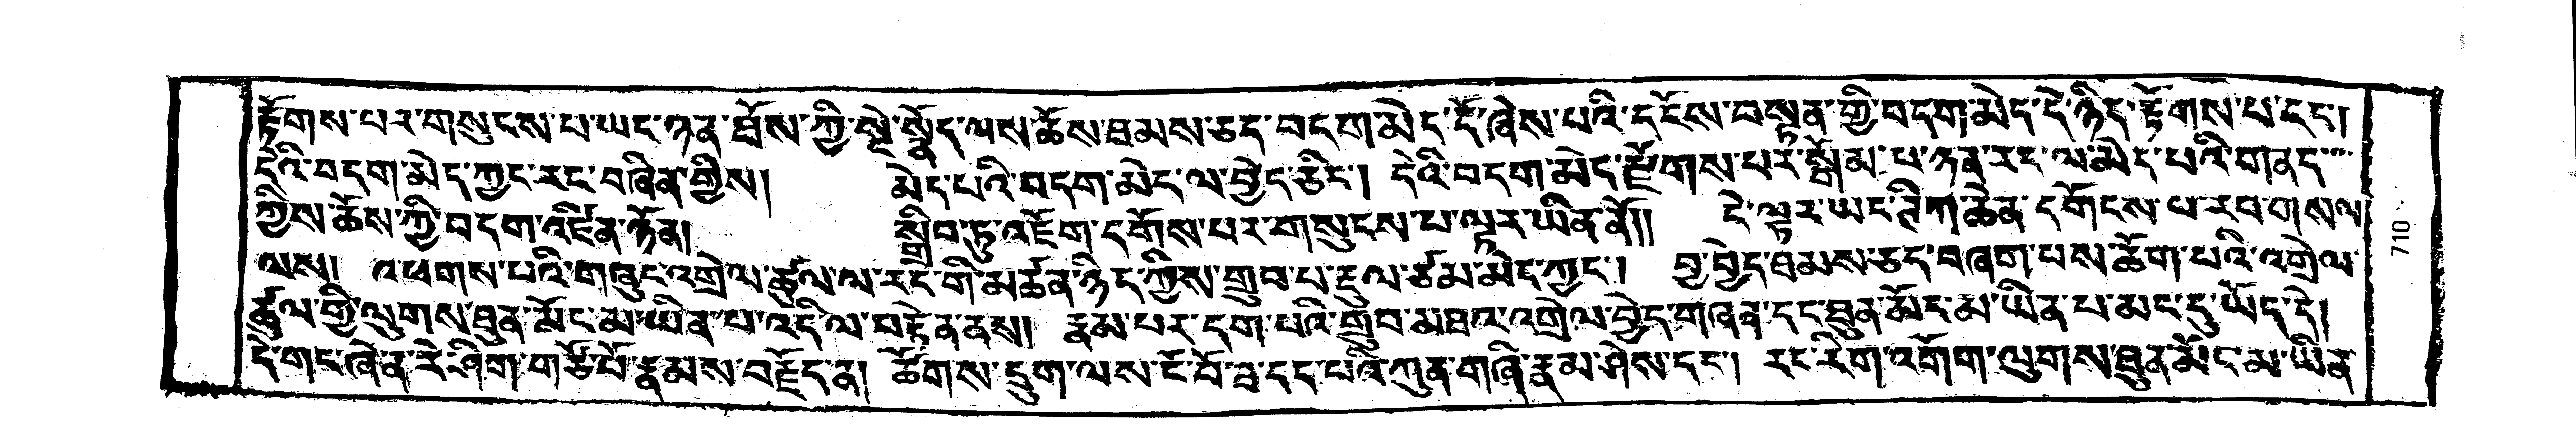རྟོགས་པར་གསུངས་པ་ཡང་ཉན་ཐོས་ཀྱི་སྡེ་སྣོད་ལས་ཆོས་ཐམས་ཅད་བདག་མེད་དོ་ཞེས་པའི་དངོས་བསྟན་གྱི་བདག་མེད་དེ་ཉིད་རྟོགས་པ་དང་།
དེའི་བདག་མེད་ཀྱང་རང་བཞིན་གྱིས། མེད་པའི་བདག་མེད་ལ་བྱེད་ཅིང་། དེའི་བདག་མེད་རྫོགས་པར་སྒོམ་པ་ཉན་རང་ལ་མེད་པའི་གནད་
ཀྱིས་ཆོས་ཀྱི་བདག་འཛིན་ཉོན། སྒྲིབ་ཏུ་འཇོག་དགོས་པར་གསུངས་པ་ལྟར་ཡིན་ནོ། །དེ་ལྟར་ཡང་ཊཱིཀ་ཆེན་དགོངས་པར་རབ་གསལ་
ལས། འཕགས་པའི་གཞུང་འགྲེལ་ཚུལ་ལ་རང་གི་མཚན་ཉིད་ཀྱིས་གྲུབ་པ་རྡུལ་ཙམ་མེད་ཀྱང་། བྱ་བྱེད་ཐམས་ཅད་བཞག་པས་ཆོག་པའི་འགྲེལ་
ཚུལ་གྱི་ལུགས་ཐུན་མོང་མ་ཡིན་པ་འདི་ལ་བརྟེན་ནས། རྣམ་པར་དག་པའི་གྲུབ་མཐའ་འགྲེལ་བྱེད་གཞན་དང་ཐུན་མོང་མ་ཡིན་པ་མང་དུ་ཡོད་དེ།
དེ་གང་ཞེ་ན་རི་ཤིག་གཙོ་བོ་རྣམས་བརྗོད་ན། ཚོགས་དྲུག་ལས་ངོ་བོ་ཐ་དད་པའི་ཀུན་གཞི་རྣམ་ཤེས་དང་། རང་རིག་འགོག་ལུགས་ཐུན་མོང་མ་ཡིན་